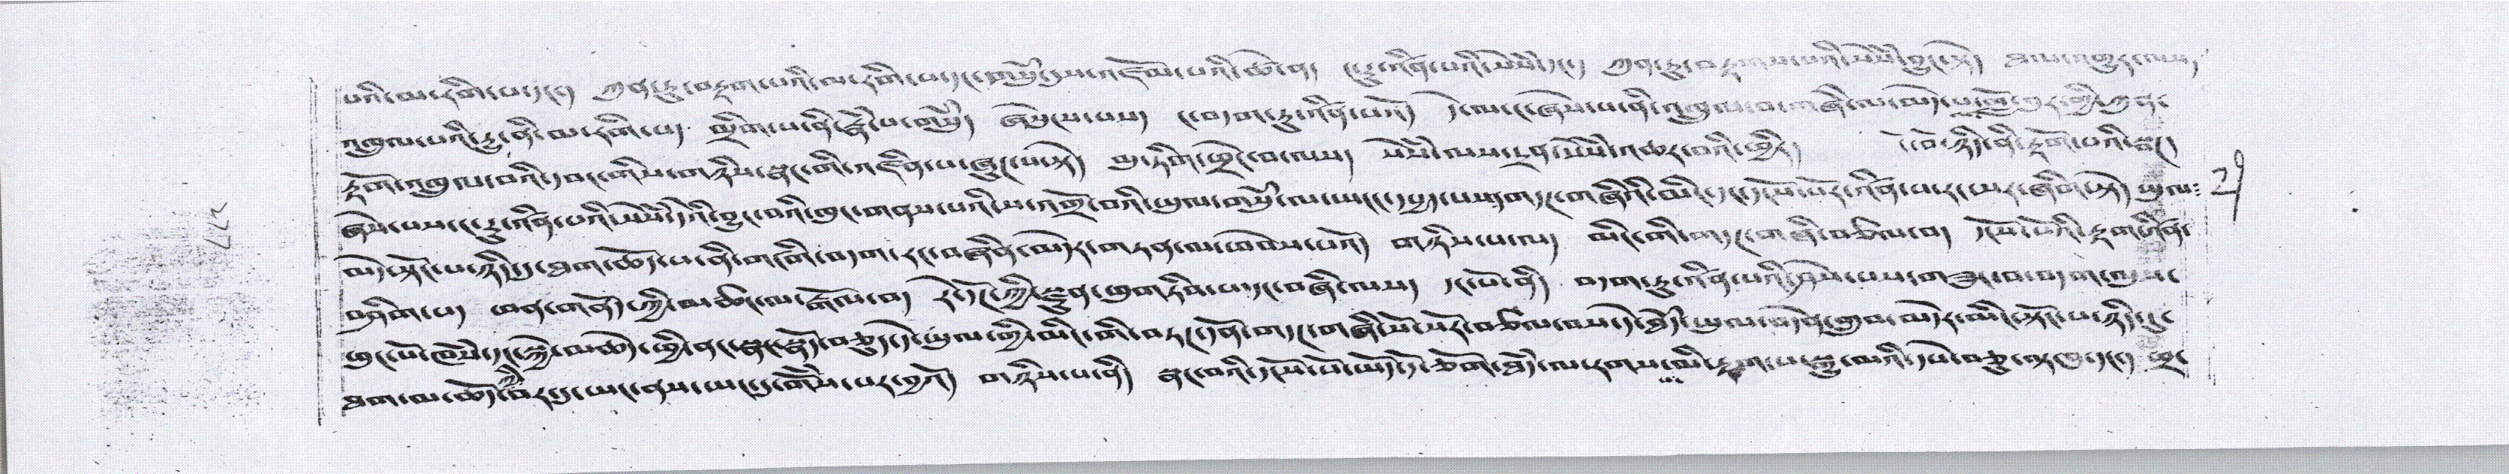པའི་མ་རིག་པ་དང། ཀུན་ཏུ་བརྟག་པའི་མ་རིག་པ་དང་གསུམ་དུས་འཛོམ་པའི་ཚེ་ན། ང་རུ་འཛིན་པའི་སེམས་དང། ཀུན་ཏུ་བརྟགས་པའི་སེམས་བྱུང་སྟེ། ཐལ་འགྱུར་ལས། 
འཁྲུལ་པའི་རྒྱུ་ནི་མ་རིག་པ། མ་རིག་པ་ནི་རྣམ་པ་གསུམ། ཞེས་གསུངས་པས། ང་བདག་ཏུ་འཛིན་པའོ། དེ་ལ་ང་ཞེས་པ་ནི་འཁྲུལ་བ་གཞི་ལ་མེད་པ་ལ་གློ་བུར་གྱི་ཀུན་
རྟོག་འཁྲུལ་བའི་དབང་གིས་གཉིས་སྣང་གི་འཛིན་པ་ཞུགས་པ་སྟེ། མུ་ཏིག་ཕྲེང་བ་ལས། སེམས་ལས་དྲན་སེམས་འཆར་བའི་ཕྱིར། ངོ་བོ་ཉིད་ནི་རྟོག་པའི་སྦགས། 
ཞེས་པས་ང་རུ་འཛིནཔའི་སེམས་དེའི་བྱུང་བའི་ཁུང་གནས་པའི་ས་འགྲོ་བའི་ཡུལ་གསུམ་ལ་ཡང་ཡང་དཔྱད་པས་གདགས་གཞིའི་མིང་དང་དངོས་པོར་འཛིན་པ་རང་སར་ཞིག་སྟེ། ཡུལ་
མེད་སྟོང་པ་ཉིད་དུ་ཐག་ཆོད་པ་ནི་གང་ཟག་གི་བདག་རང་བཞིན་མེད་པར་གཏན་ལ་ཕེབས་པའོ། གཉིས་པ་ལ། མིང་གིི་གདགས་གཞི་བཙལ་བ། དངོས་པོའི་རྟག་འཛིན་
བཤིག་པ། ཕན་གནོད་ཀྱི་མཚང་ལ་རྒོལ་བ། རེ་དོགས་ཀྱི་རྫུན་ཕུག་གཏིབ་པ་དང་བཞི་ལས། དང་པོ་ནི། བདག་ཏུ་འཛིན་པའི་ཤེས་པས་གཟུང་བ་བདག་ལུས་
ཕུང་པོ་ཁམས་དང་སྐྱེ་མཆེད་ཕྱི་ནང་སྣོད་བཅུད་དེ་ཡུལ་གྱི་མིང་གི་བཏགས་དོན་གདགས་གཞི་སོ་སོར་བཙལ་བས་དེ་ཐམས་ཅད་ཡུལ་བདེན་གྲུབ་མེད་པར་མིང་སྟོང་པ་ཉིད་དུ་
ཐག་མ་ཆོད་ཀྱི་བར་དུ་ཡང་ནས་ཡང་དུ་གོམས་པར་བྱའོ། གཉིས་པ་ནི། སྣང་བའི་དངོས་པོ་ཡོད་དོ་ཅོག་ཐམས་ཅད་ལ་རགས་པ་མི་རྟག་པ་སྒྱུ་མའི་དཔེ་བཅུ་ལྟ་བུ་དང། ཕྲ་